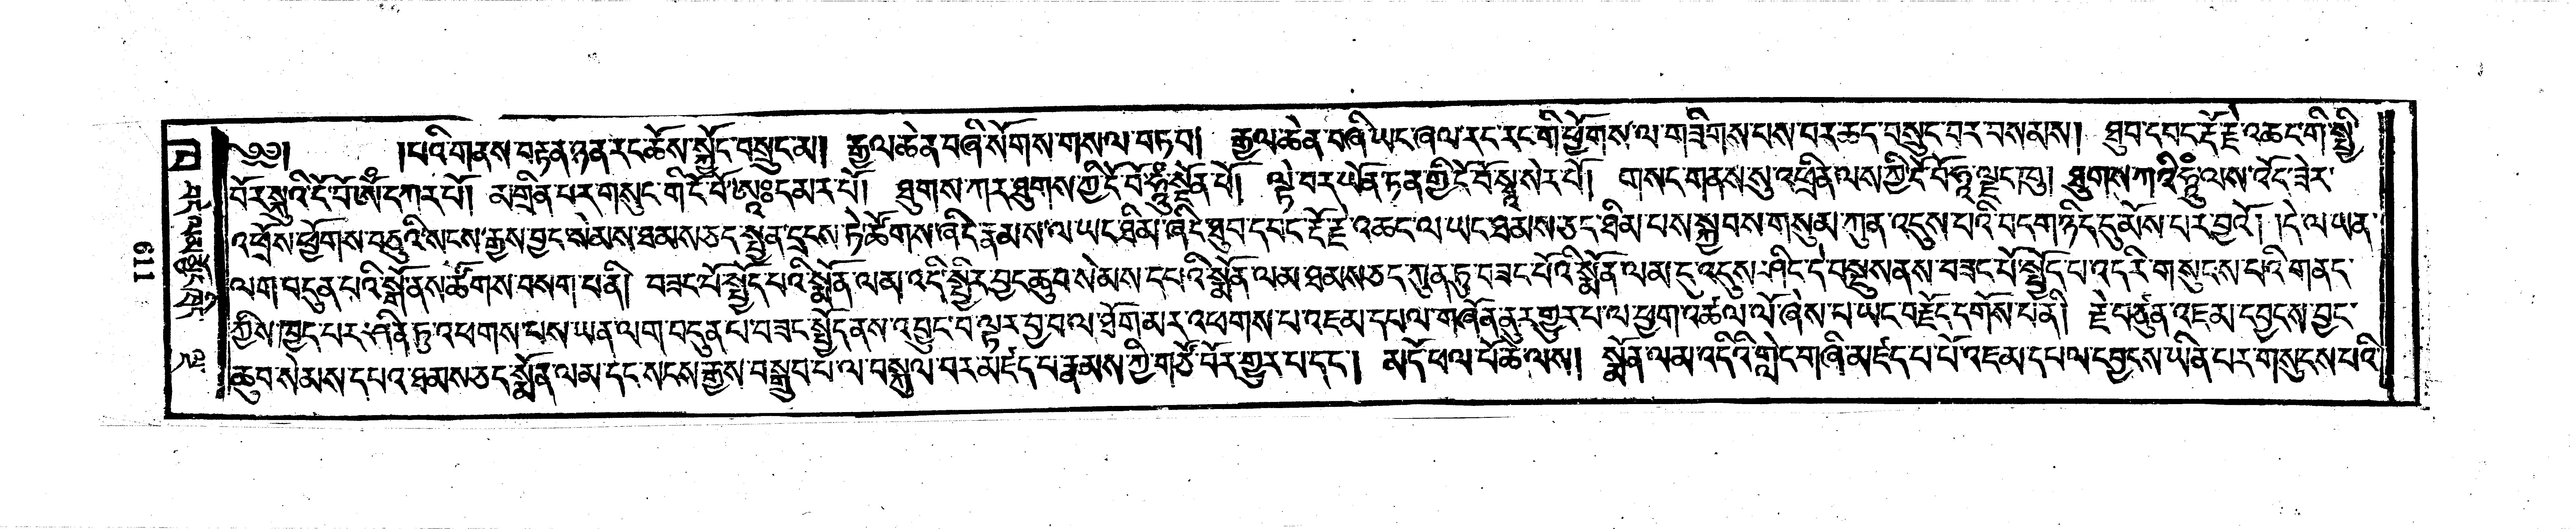༄༅། །པའི་གནས་བརྟན་ཉན་རང་ཆོས་སྐྱོང་བསྲུང་མ། རྒྱལ་ཆེན་བཞི་སོགས་གསལ་བཏབ། རྒྱལ་ཆེན་བཞི་ཡང་ཞལ་རང་རང་གི་ཕྱོགས་ལ་གཟིགས་པས་བར་ཆད་བསྲུང་བར་བསམས། ཐུབ་དབང་རྡོ་རྗེ་འཆང་གི་སྤྱི་
བོར་སྐུའི་ངོ་བོ་ཨོཾ་དཀར་པོ། མགྲིན་པར་གསུང་གི་ངོ་བོ་ཨཱཿ དམར་པོ། ཐུགས་ཀར་ཐུགས་ཀྱི་ངོ་བོ་ཧཱུཾ་སྔོན་པོ། ལྟེ་བར་ཡོན་ཏན་གྱི་ངོ་བོ་སྭཱ་སེར་པོ། གསང་གནས་སུ་འཕྲིན་ལས་ཀྱི་ངོ་བོ་ཧཱ་ལྗང་ཁུ། ཐུགས་ཀའི་ཧཱུཾ་ལས་འོད་ཟེར་
འཕྲོས་ཕྱོགས་བཅུའི་སངས་རྒྱས་བྱང་སེམས་ཐམས་ཅད་སྤྱན་དྲངས་ཏེ་ཚོགས་ཞིང་རྣམས་ལ་ཡང་ཐིམ་ཞིང་ཐུབ་དབང་རྡོ་རྗེ་འཆང་ལ་ཡང་ཐམས་ཅད་ཐིམ་པས་སྐྱབས་གསུམ་ཀུན་འདུས་པའི་བདག་ཉིད་དུ་མོས་པར་བྱའོ། །དེ་ལ་ཡན་
ལག་བདུན་པའི་སྒོ་ནས་ཚོགས་བསག་པ་ནི། བཟང་པོ་སྤྱོད་པའི་སྨོན་ལམ་འདི་སྤྱིར་བྱང་ཆུབ་སེམས་དཔའི་སྨོན་ལམ་ཐམས་ཅད་ཀུན་ཏུ་བཟང་པོའི་སྨོན་ལམ་དུ་འདུས་ཤིང་དེ་བསྡུས་ནས་བཟང་པོ་སྤྱོད་པ་འདིར་གསུངས་པའི་གནད་
ཀྱིས་ཁྱད་པར་ཤིན་ཏུ་འཕགས་པས་ཡན་ལག་བདུན་པ་བཟང་སྤྱོད་ནས་འབྱུང་བ་ལྟར་བྱ་བ་ལ་ཐོག་མར་འཕགས་པ་འཇམ་དཔལ་གཞོན་ནུར་གྱུར་པ་ལ་ཕྱག་འཚལ་ལོ་ཞེས་པ་ཡང་བརྗོད་དགོས་པ་ནི། རྗེ་བཙུན་འཇམ་དབྱངས་བྱང་
ཆུབ་སེམས་དཔའ་ཐམས་ཅད་སྨོན་ལམ་དང་སངས་རྒྱས་བསྒྲུབ་པ་ལ་བསྐུལ་བར་མཛད་པ་རྣམས་ཀྱི་གཙོ་བོར་གྱུར་པ་དང་། མདོ་ཕལ་པོ་ཆེ་ལས། སྨོན་ལམ་འདིའི་གླེང་གཞི་མཛད་པ་པོ་འཇམ་དཔལ་དབྱངས་ཡིན་པར་གསུངས་པའི་